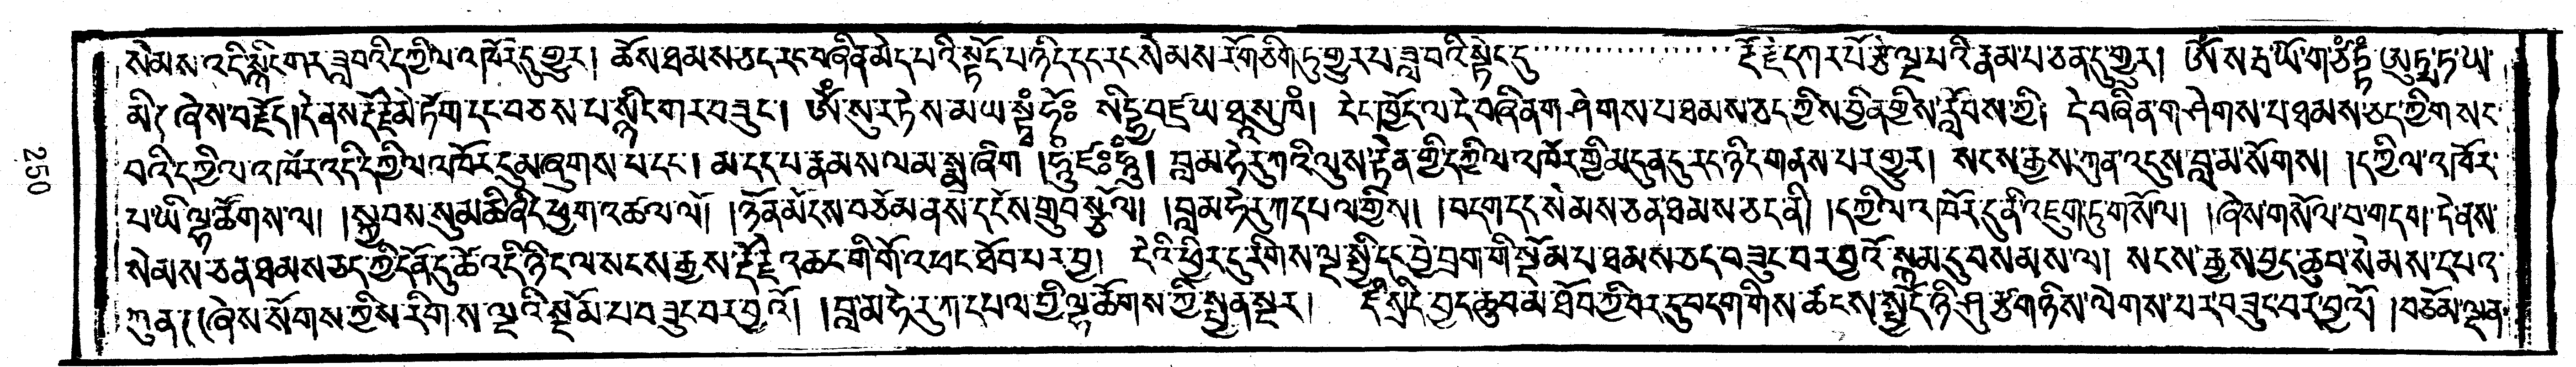སེམས་འདི་སྙིང་གར་ཟླ་བའི་དཀྱིལ་འཁོར་དུ་གྱུར། ཆོས་ཐམས་ཅད་རང་བཞིན་མེད་པའི་སྟོང་པ་ཉིད་དང་རང་སེམས་རོ་གཅིག་ཏུ་གྱུར་པ་ཟླ་བའི་སྟེང་དུ་རྡོ་རྗེ་དཀར་པོ་རྩེ་ལྔ་པའི་རྣམ་པ་ཅན་དུ་གྱུར། ཨོཾ་སརྦ་ཡོ་ག་ཙཾཏྟཾ་ཨུཏྤ་ཏ་ཡ་
མི༑ ཞེས་བརྗོད། དེ་ནས་རྡོ་རྗེ་མེ་ཏོག་དང་བཅས་པ་སྙིང་གར་བཟུང་། ཨོཾ་སུ་ར་ཏེ་ས་མ་ཡ་སྟྭཾ་ཧོཿ སིདྷྱ་བཛྲ་ཡ་ཐཱ་སུ་ཁཾ། དེང་ཁྱོད་ལ་དེ་བཞིན་གཤེགས་པ་ཐམས་ཅད་ཀྱིས་བྱིན་གྱིས་རློབས་ཀྱི། དེ་བཞིན་གཤེགས་པ་ཐམས་ཅད་ཀྱི་གསང་
བའི་དཀྱིལ་འཁོར་འདི་དཀྱིལ་འཁོར་དུ་མ་ཞུགས་པ་དང་། མ་དད་པ་རྣམས་ལ་མ་སྨྲ་ཞིག །ཧཱུཾ་ཛཿ ཧཱུཾ། བླ་མ་ཧེ་རུ་ཀའི་ལུས་རྟེན་གྱི་དཀྱིལ་འཁོར་གྱི་མདུན་དུ་རང་ཉིད་གནས་པར་གྱུར། སངས་རྒྱས་ཀུན་འདུས་བླ་མ་སོགས། །དཀྱིལ་འཁོར་
པ་ཡི་ལྷ་ཚོགས་ལ། །སྐྱབས་སུ་མཆི་ཞིང་ཕྱག་འཚལ་ལོ། །ཉོན་མོངས་བཅོམ་ནས་དངོས་གྲུབ་སྩོལ། །བླ་མ་ཧེ་རུ་ཀ་དཔལ་གྱིས། །བདག་དང་སེམས་ཅན་ཐམས་ཅད་ནི། །དཀྱིལ་འཁོར་དུ་ནི་འཇུག་ཏུ་གསོལ། །ཞེས་གསོལ་བ་གདབ། དེ་ནས་
སེམས་ཅན་ཐམས་ཅད་ཀྱི་དོན་དུ་ཚེ་འདི་ཉིད་ལ་སངས་རྒྱས་རྡོ་རྗེ་འཆང་གི་གོ་འཕང་ཐོབ་པར་བྱ། དེའི་ཕྱིར་དུ་རིགས་ལྔ་སྤྱི་དང་བྱེ་བྲག་གི་སྡོམ་པ་ཐམས་ཅད་བཟུང་བར་བྱའོ་སྙམ་དུ་བསམས་ལ། སངས་རྒྱས་བྱང་ཆུབ་སེམས་དཔའ་
ཀུན༑ ༑ཞེས་སོགས་ཀྱིས་རིགས་ལྔའི་སྡོམ་པ་བཟུང་བར་བྱའོ། །བླ་མ་ཧེ་རུ་ཀ་དཔལ་གྱི་ལྷ་ཚོགས་ཀྱི་སྤྱན་སྔར། ཇི་སྲིད་བྱང་ཆུབ་མ་ཐོབ་ཀྱི་བར་དུ་བདག་གིས་ཚངས་སྤྱོད་ཉི་ཤུ་རྩ་གཉིས་ལེགས་པར་བཟུང་བར་བྱའོ། །བཅོམ་ལྡན་